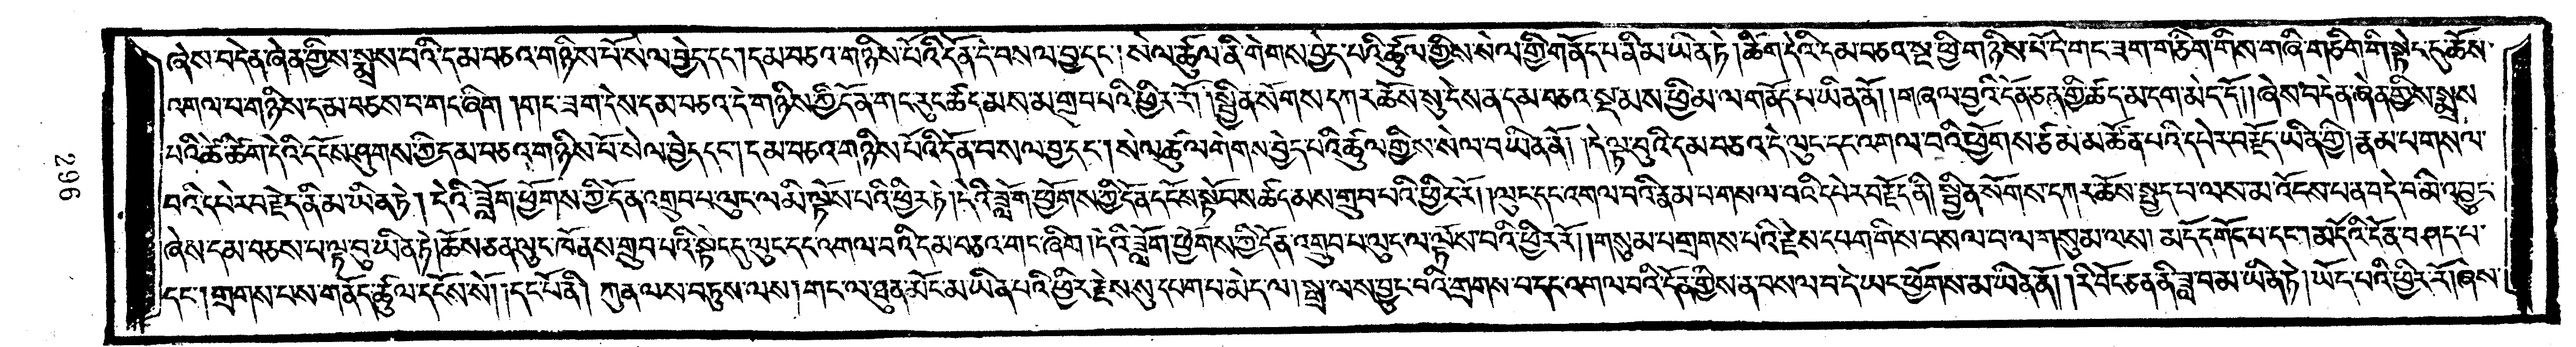ཞེས་བདེན་ཞེན་གྱིས་སྨྲས་པའི་དམ་བཅའ་གཉིས་པོ་སེལ་བྱེད་དང་། དམ་བཅའ་གཉིས་པོའི་དོན་དེ་བསལ་བྱ་དང་། སེལ་ཚུལ་ནི་གེགས་བྱེད་པའི་ཚུལ་གྱིས་སེལ་གྱི་གནོད་པ་ནི་མ་ཡིན་ཏེ། ཚིག་དེའི་དམ་བཅའ་སྔ་ཕྱི་གཉིས་པོ་དེ་གང་ཟག་གཅིག་གིས་གཞི་གཅིག་གི་སྟེང་དུ་ཆོས་
འགལ་བ་གཉིས་དམ་བཅས་པ་གང་ཞིག །གང་ཟག་དེས་དམ་བཅའ་དེ་གཉིས་ཀྱི་དོན་གང་རུང་ཚད་མས་མ་གྲུབ་པའི་ཕྱིར་རོ། །སྦྱིན་སོགས་དཀར་ཆོས་སུ་ངེས་ན་དམ་བཅའ་སྔ་མས་ཕྱི་མ་ལ་གནོད་པ་ཡིན་ནོ། །གཞལ་བྱའི་དོན་ཅན་གྱི་ཚད་མ་དག་མེད་དོ། །ཞེས་བདེན་ཞེན་གྱིས་སྨྲས་
བའི་ཚེ་ཚིག་དེའི་དངོས་ཤུགས་ཀྱི་དམ་བཅའ་གཉིས་པོ་སེལ་བྱེད་དང་། དམ་བཅའ་གཉིས་པོའི་དོན་བསལ་བྱ་དང་། སེལ་ཚུལ་གེགས་བྱེད་པའི་ཚུལ་གྱིས་སེལ་བ་ཡིན་ནོ། །དེ་ལྟ་བུའི་དམ་བཅའ་དེ་ལུང་དང་འགལ་བའི་ཕྱོགས་ཙམ་མཚོན་པའི་དཔེར་བརྗོད་ཡིན་གྱི། རྣམ་པ་གསལ་
བའི་དཔེར་བརྗོད་ནི་མ་ཡིན་ཏེ། དེའི་ཟློག་ཕྱོགས་ཀྱི་དོན་འགྲུབ་པ་ལུང་ལ་མི་ལྟས་པའི་ཕྱིར་ཏེ། དེའི་ཟློག་ཕྱོགས་ཀྱི་དོན་དངོས་སྟོབས་ཚད་མས་གྲུབ་པའི་ཕྱིར་རོ། །ལུང་དང་འགལ་བའི་རྣམ་པ་གསལ་བའི་དཔེར་བརྗོད་ནི། སྦྱིན་སྲོགས་དཀར་ཆོས་སྤྱད་པ་ལས་མ་འོངས་པ་ན་བདེ་བ་མི་འབྱུང་
ཞེས་དམ་བཅས་པ་ལྟ་བུ་ཡིན་ཏེ། ཆོས་ཅན་ལུང་ཁོ་ནས་གྲུབ་པའི་སྟེང་དུ་ལུང་དང་འགལ་བའི་དམ་བཅའ་གང་ཞིག །དེའི་ཟློག་ཕྱོགས་ཀྱི་དོན་འགྲུབ་པ་ལུང་ལ་ལྟོས་པའི་ཕྱིར་རོ། །གསུམ་པ་གྲགས་པའི་རྗེས་དཔག་གིས་བསལ་བ་ལ་གསུམ་ལས། མདོ་དགོད་པ་དང་། མདོའི་དོན་བཤད་པ་
དང་། གྲགས་པས་གནོད་ཚུལ་དངོས་སོ། །དང་པོ་ནི། ཀུན་ལས་བཏུས་ལས། གང་ལ་ཐུན་མོང་མ་ཡིན་པའི་ཕྱིར་རྗེས་སུ་དཔག་པ་མེད་ལ། སྒྲ་ལས་བྱུང་བའི་གྲགས་པ་དང་འགལ་བའི་དོན་གྱིས་ན་བསལ་བ་ད་ཡང་ཕྱོགས་མ་ཡིན་ནོ། །རི་བོང་ཅན་ནི་ཟླ་བ་མ་ཡིན་ཏེ། ཡོད་པའི་ཕྱིར་རོ། །ཞེས་